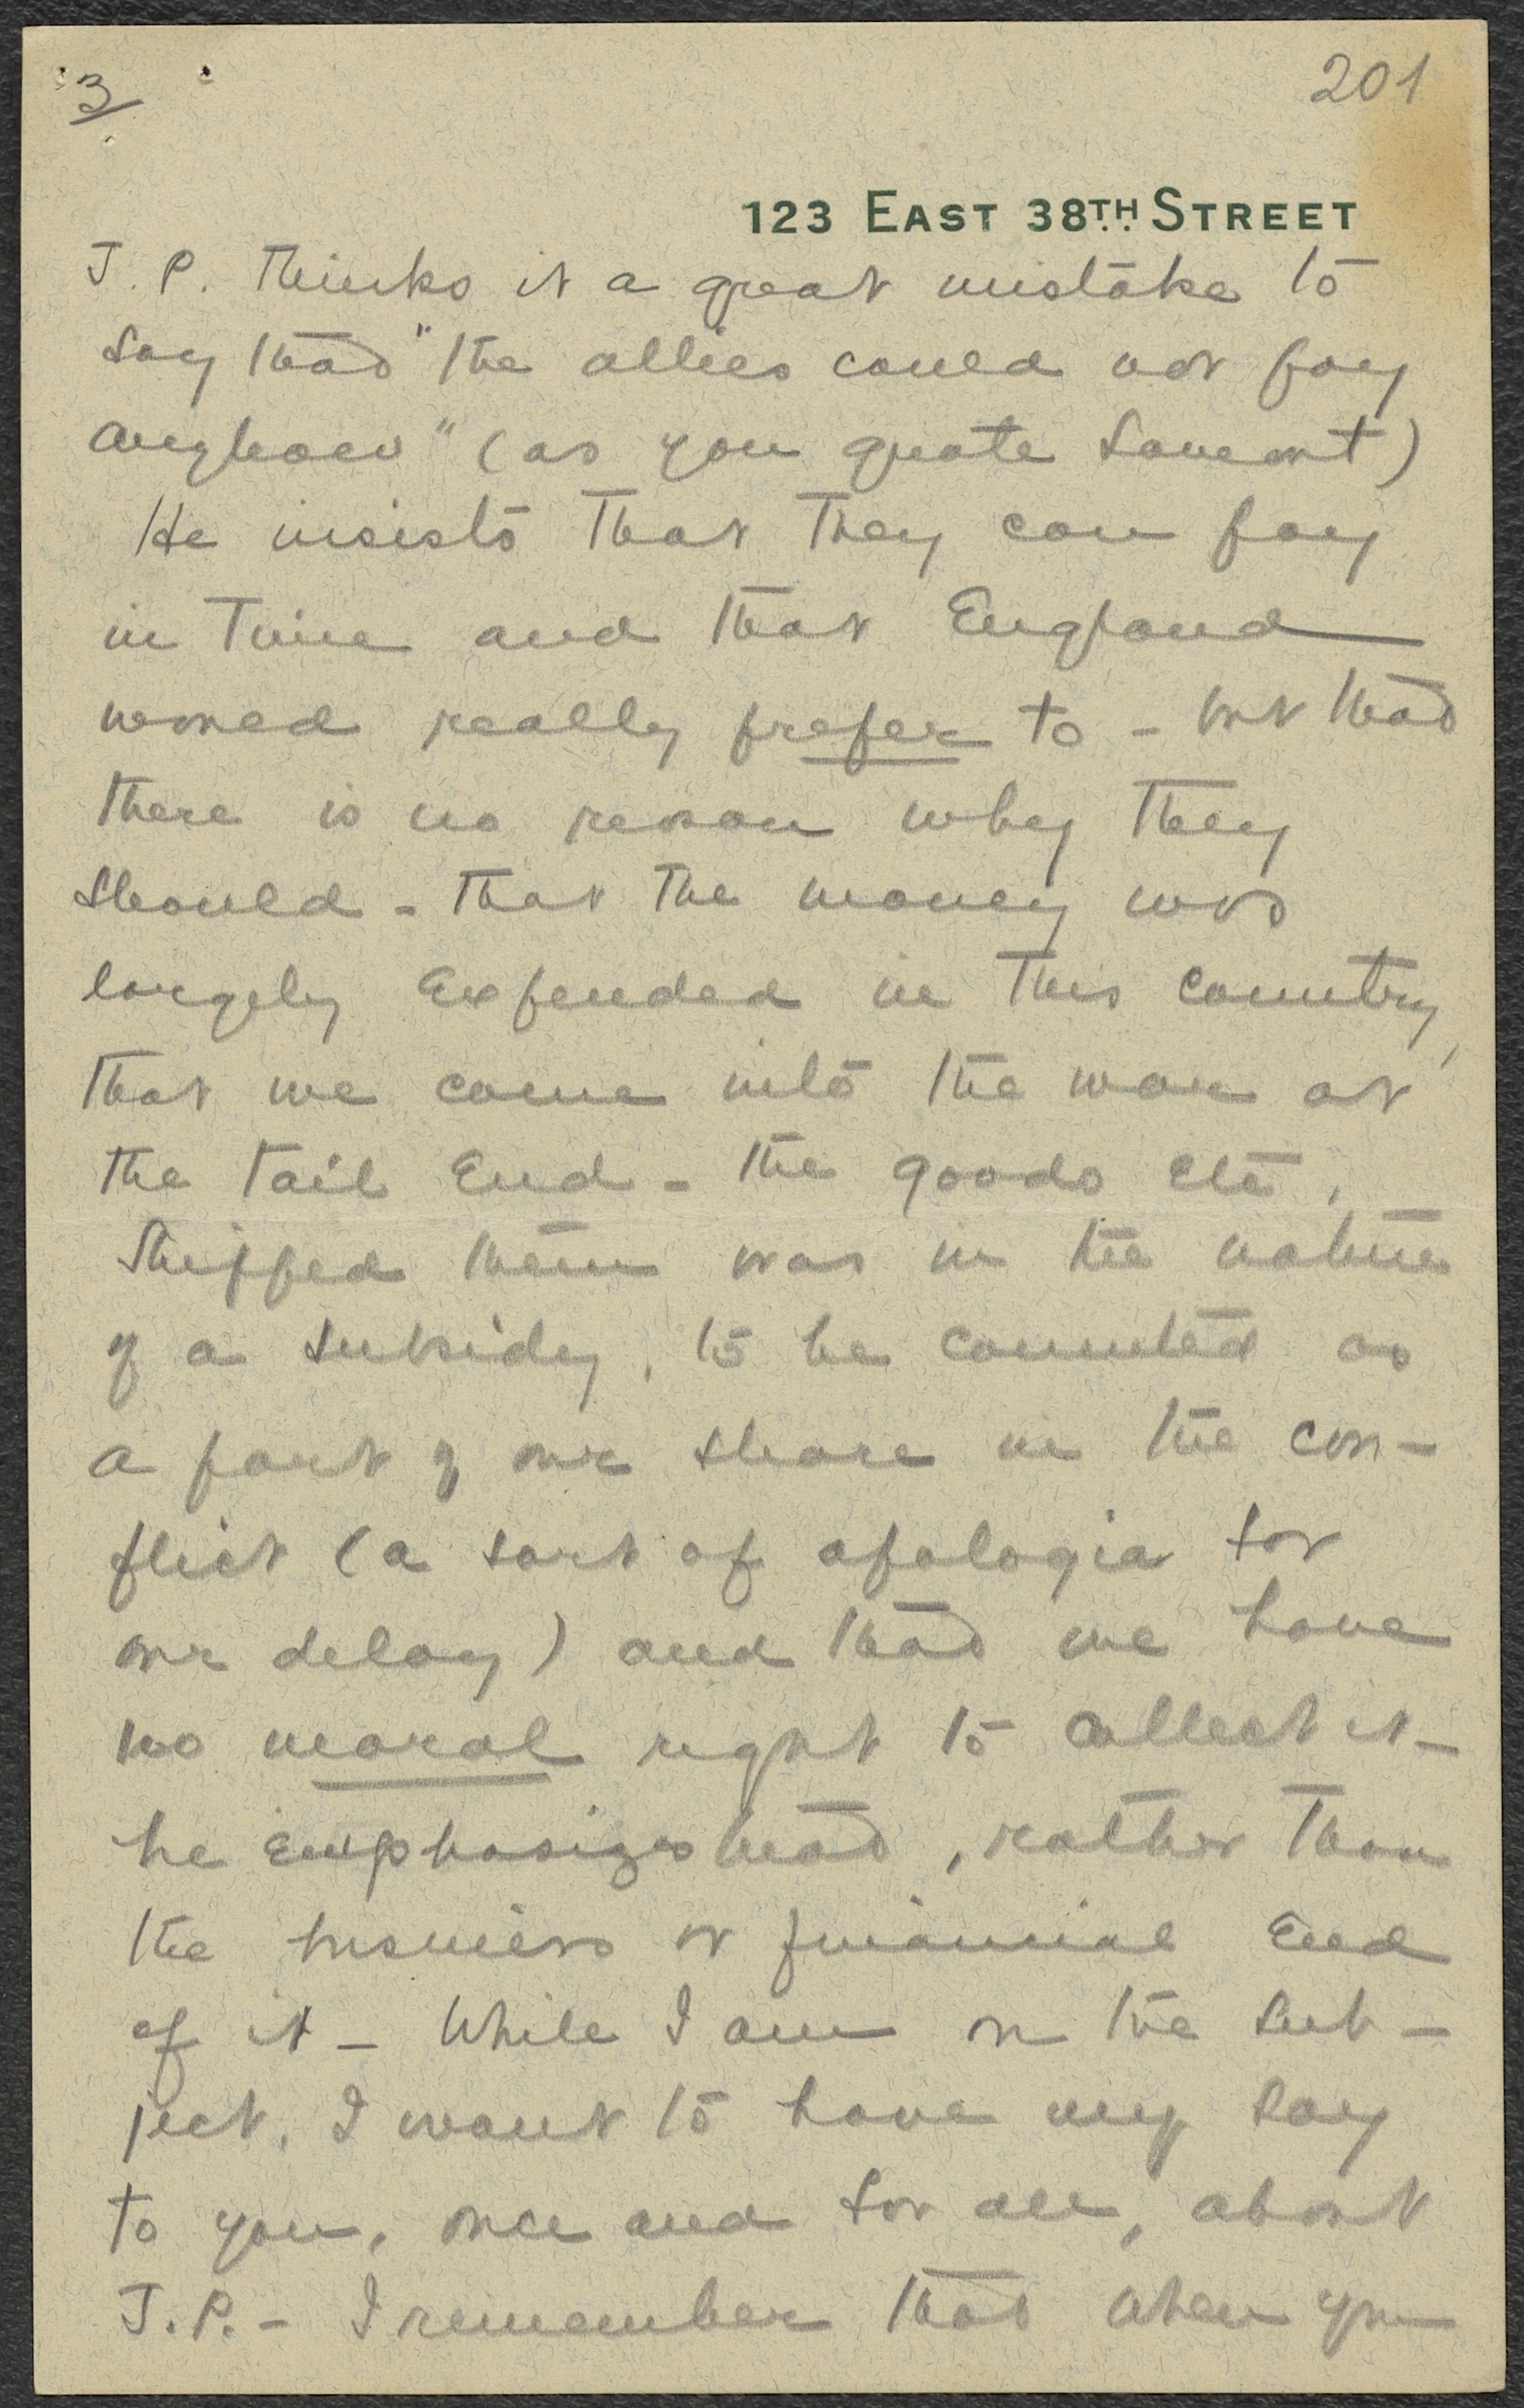J. P. thinks it a great mistake to say that “the allies could not pay somehow” (as you quote Lamont) He insists that they can pay in time and that England would really prefer to – but that there is no reason why they should – that the money was largely expended in this county, that we came into the war at the tail end – the goods etc, shipped them was in the nature of a subsidy, to be counted as a part of our share in the conflict (a sort of apologia for our delay) and that we have no moral right to collect it – he emphasizes that, rather than the business or financial end of it – While I am on the subject, I want to have my say to you, once and for all, about J.P. – I remember that when you